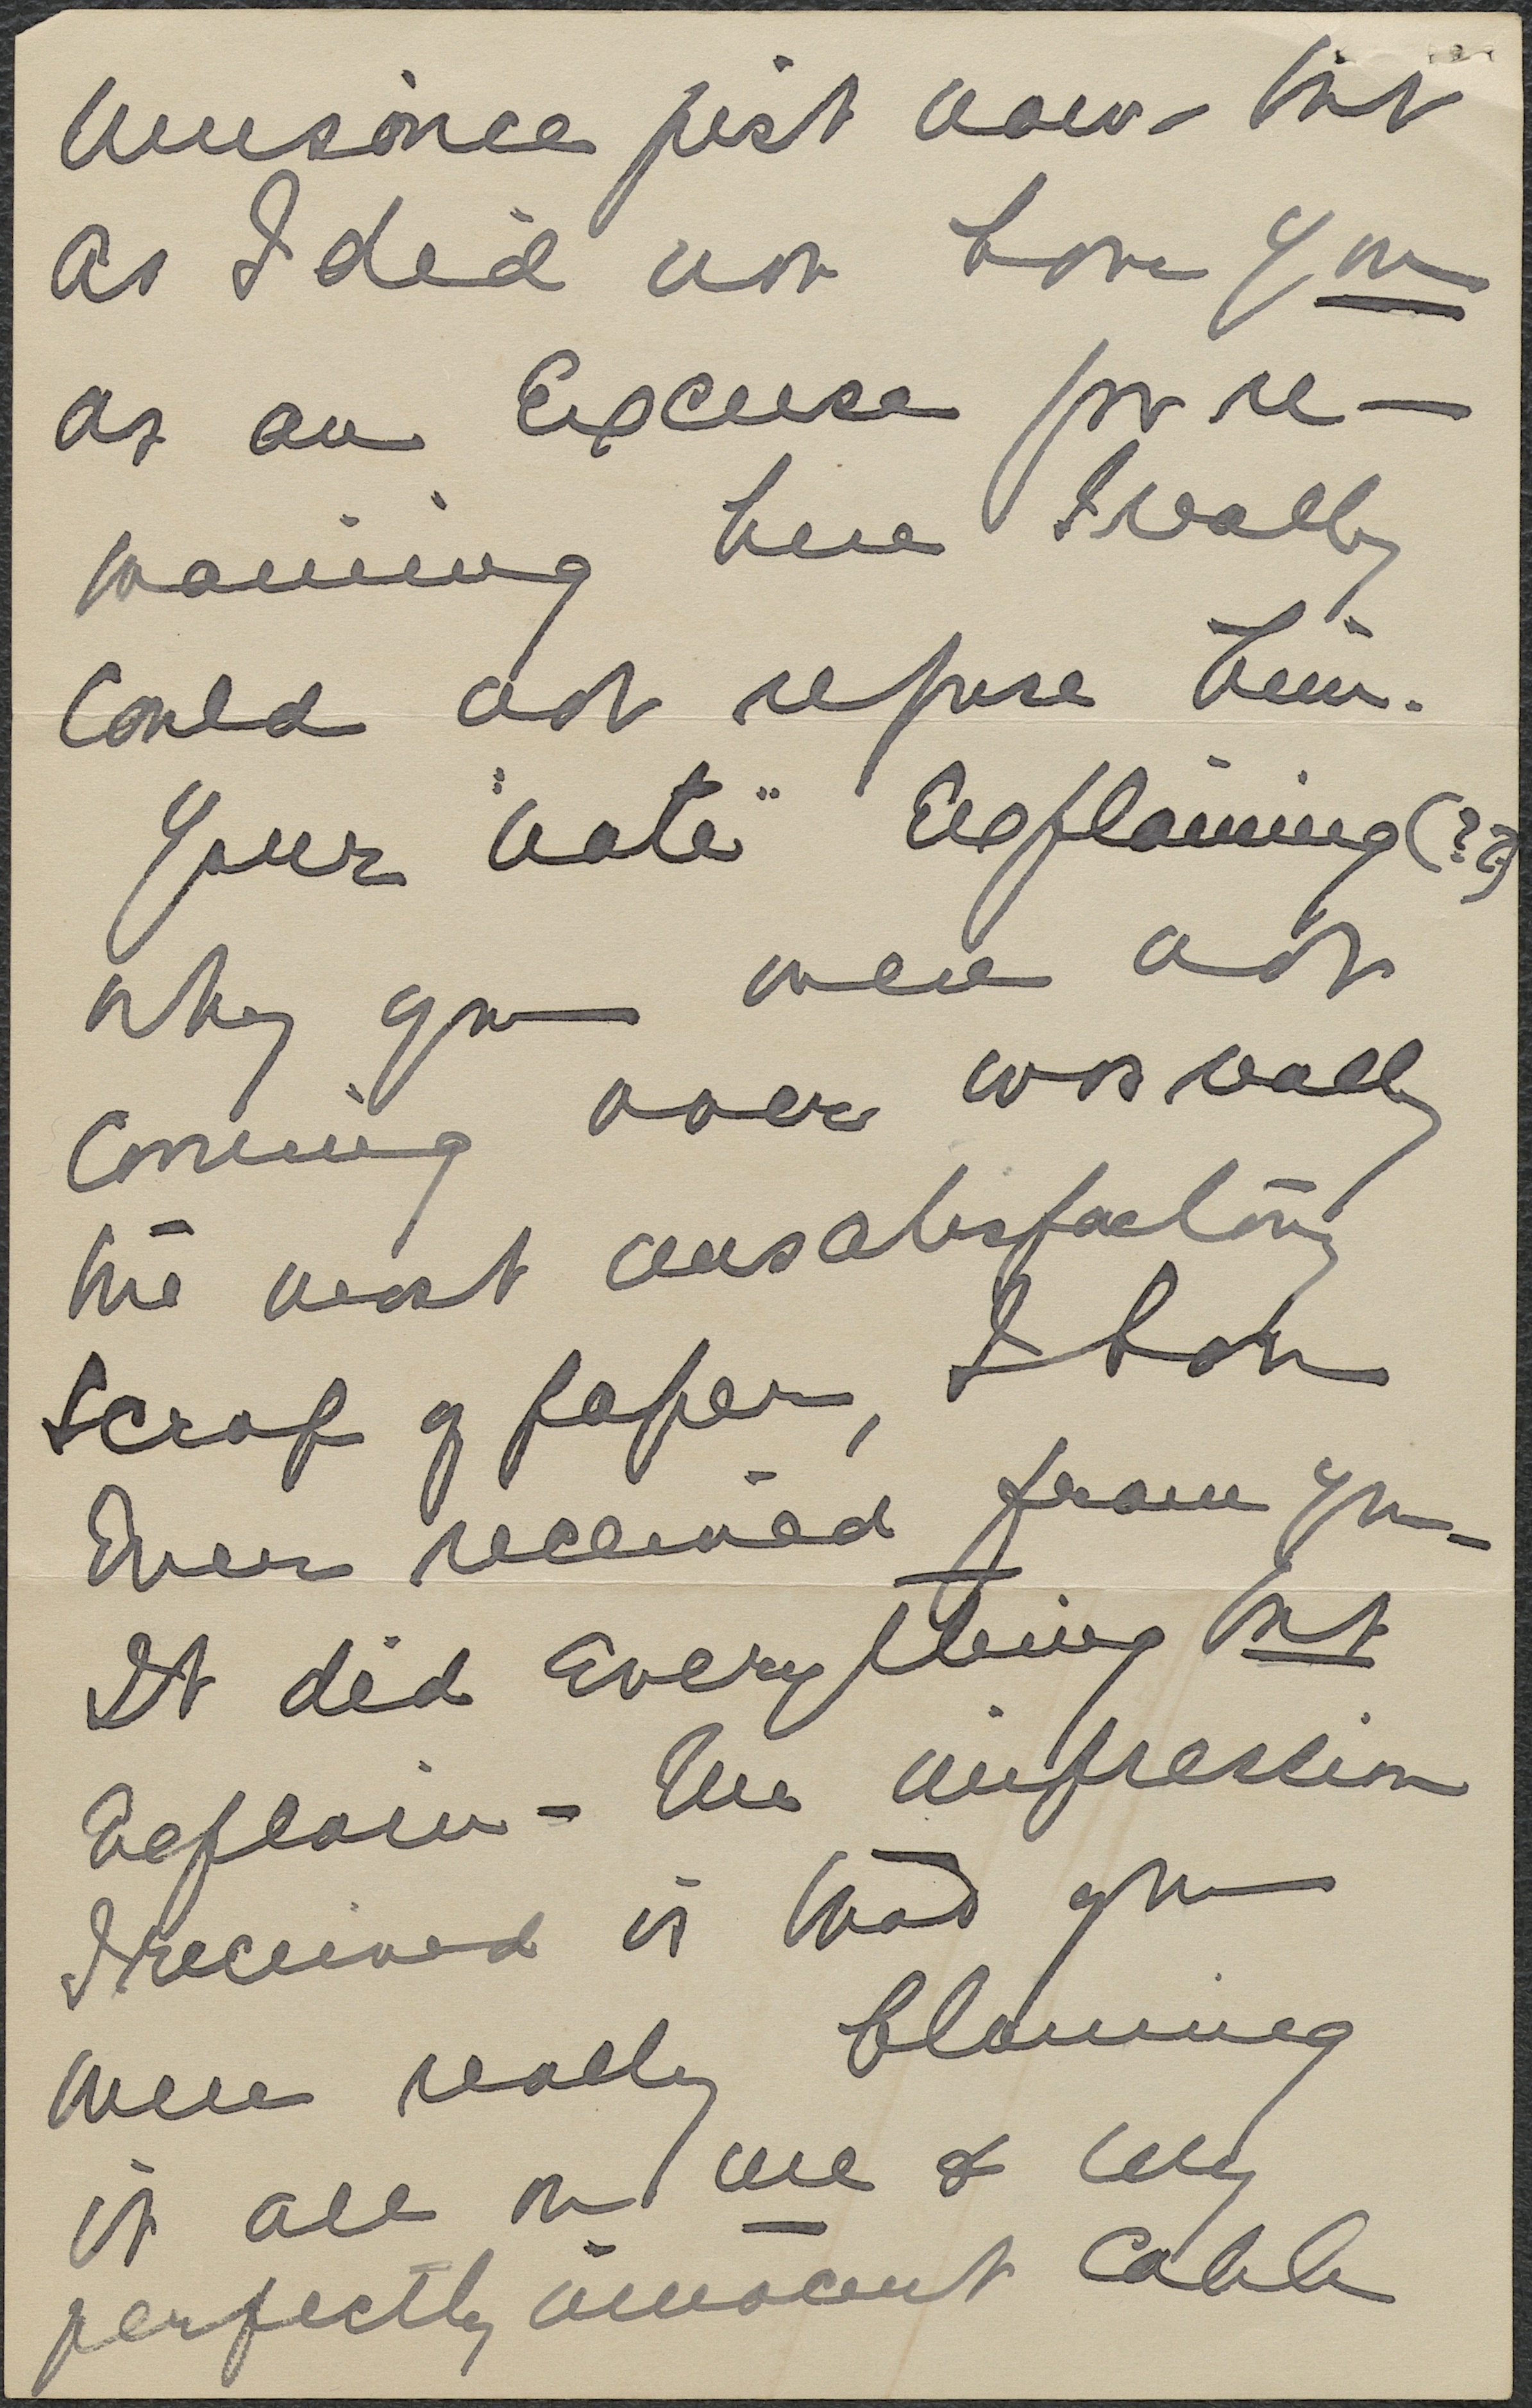nuisance just now – but as I did not have you as an excuse for remaining here I really could not refuse him. Your “note” explaining (??) why you were not coming over was really the most unsatisfactory scrap of paper, I have ever received from you – It did everything but explain – The impression I received is that you were really blaming it all on me & my perfectly innocent cable